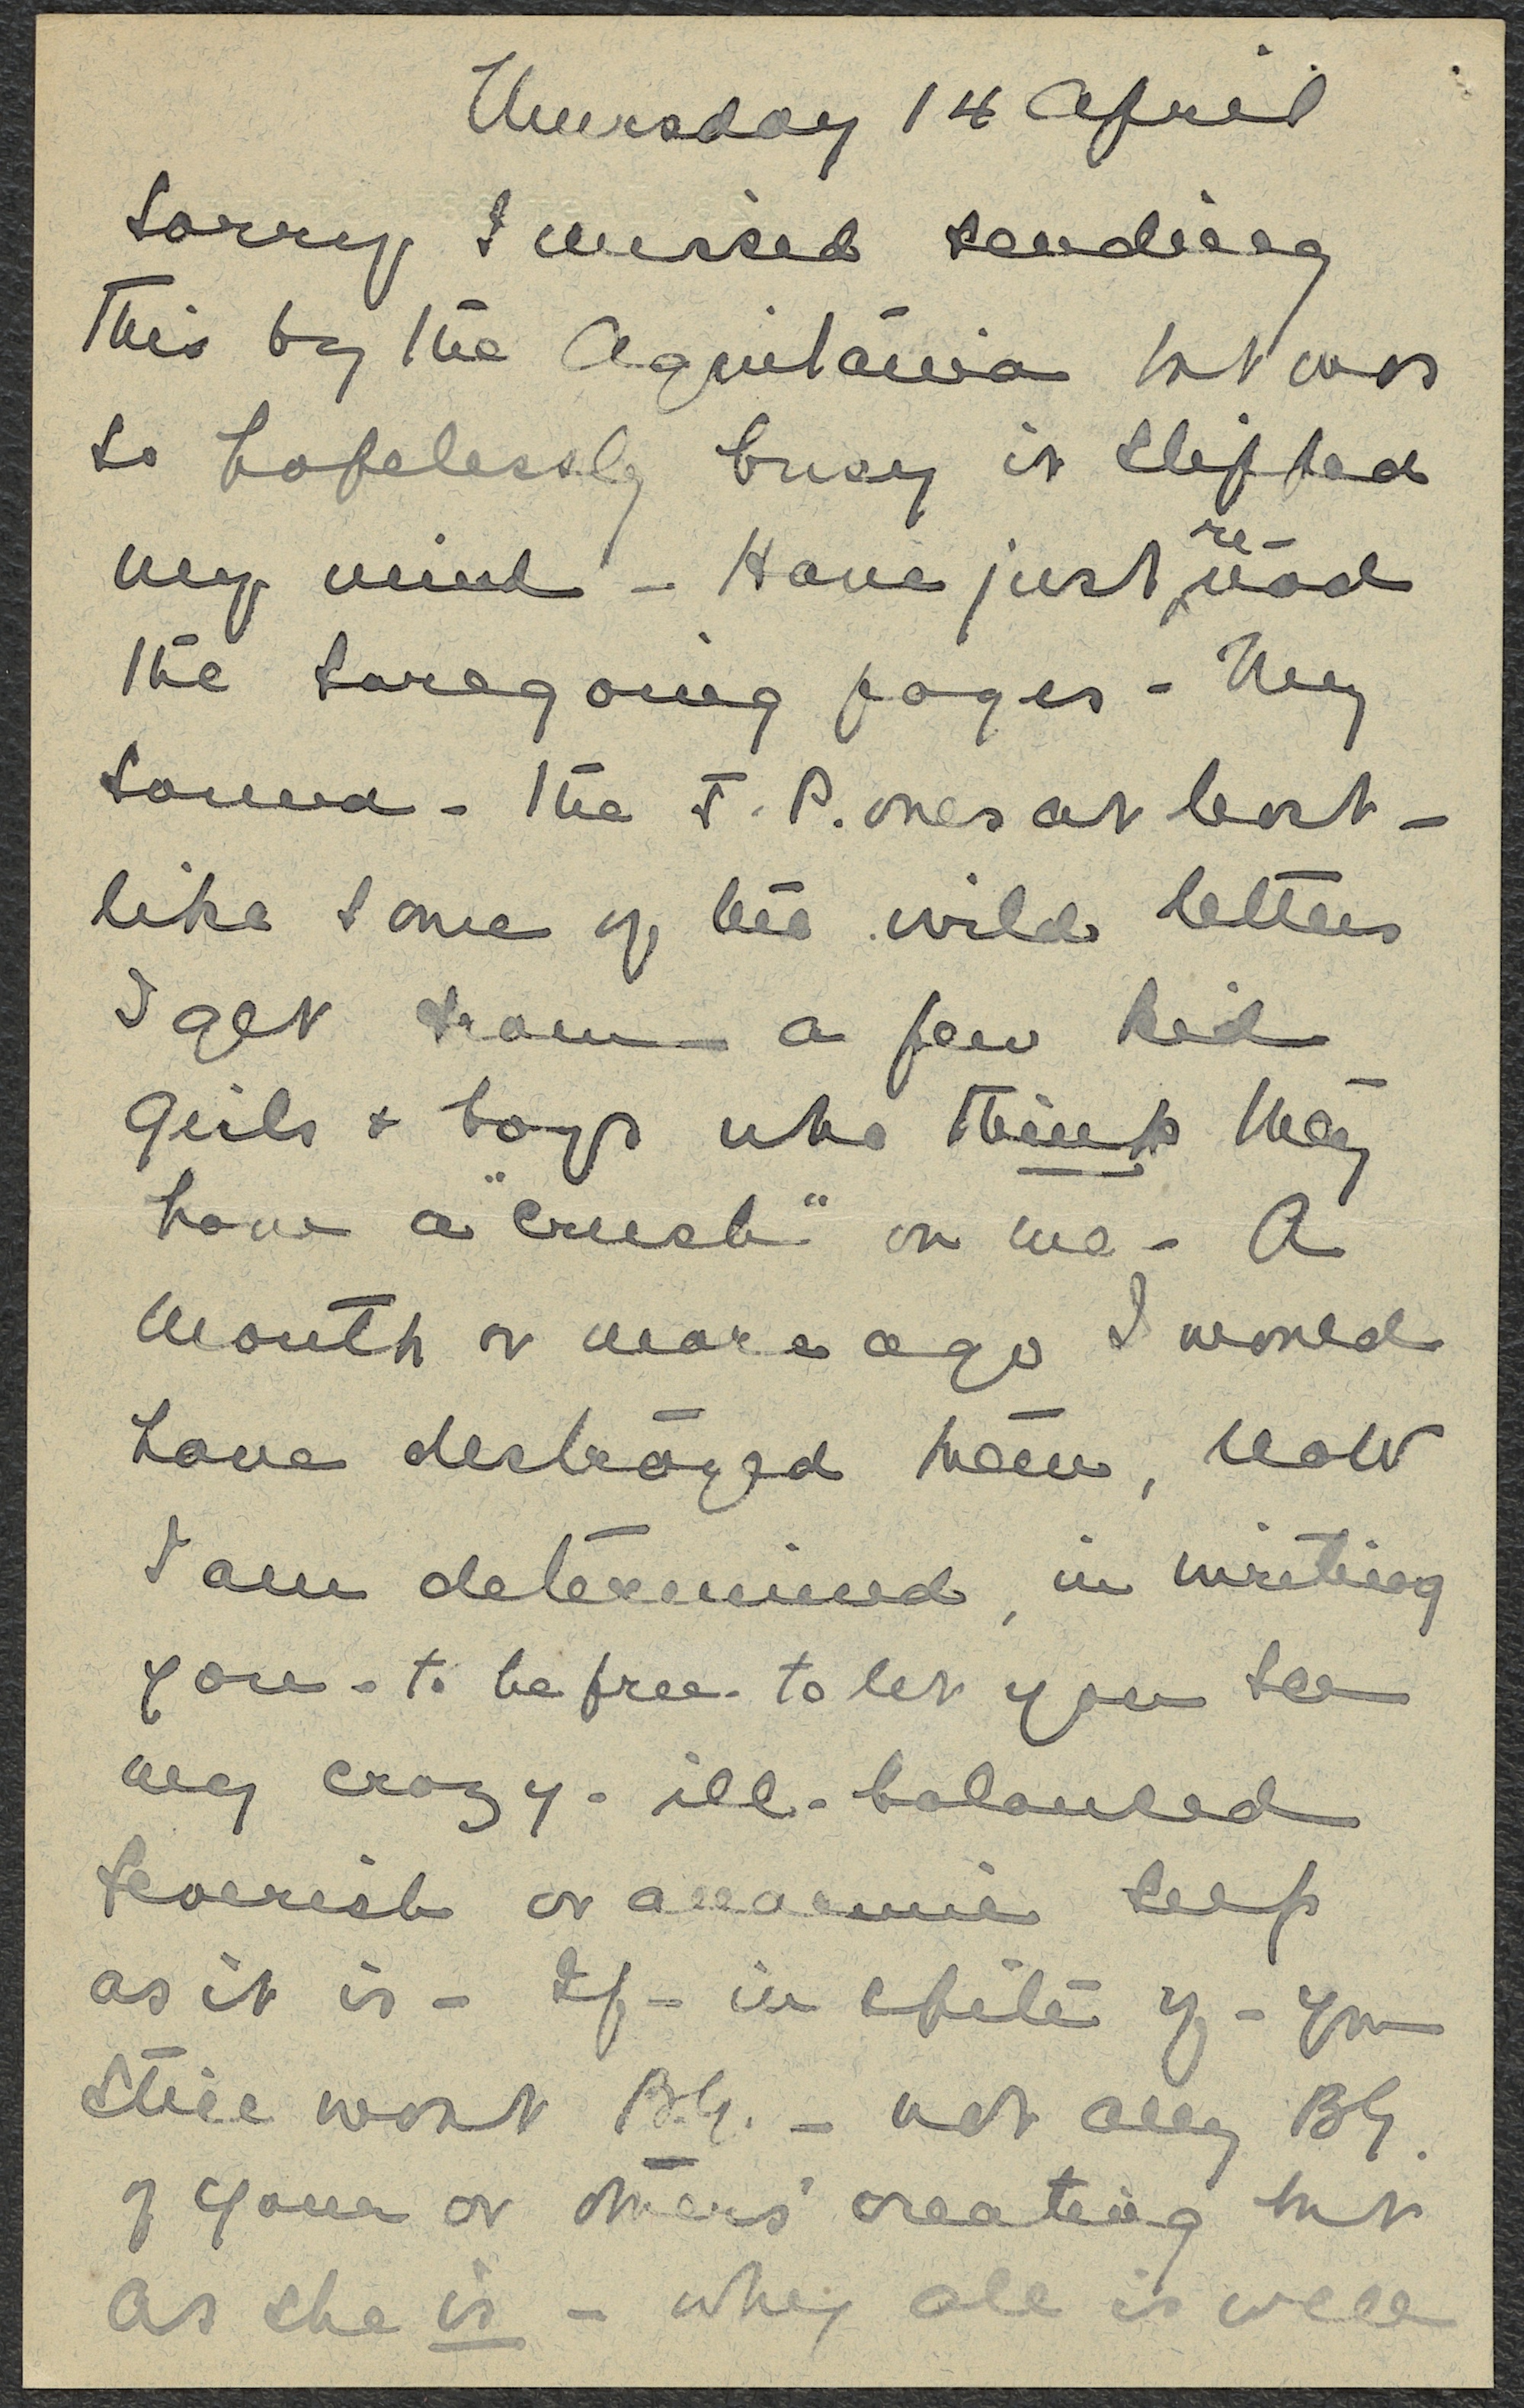[written in ink]
Thursday 14 April
Sorry I missed sending this by the Aquitania but was so hopelessly busy it slipped my mind – Have just [^re-^] read the foregoing pages – They sound – the J.P. ones at least – like some of the wild letters I get from a few kid girls & boys who think they have a “crush” on me – A month or more ago I would have destroyed them, now I am determined, in writing you – to be free – to let you see my crazy-ill-balanced feverish or all anaemic self as it is – If – in spite of – you still want B.G. – not any B.G. of your or others’ creating but as she is – why all is well